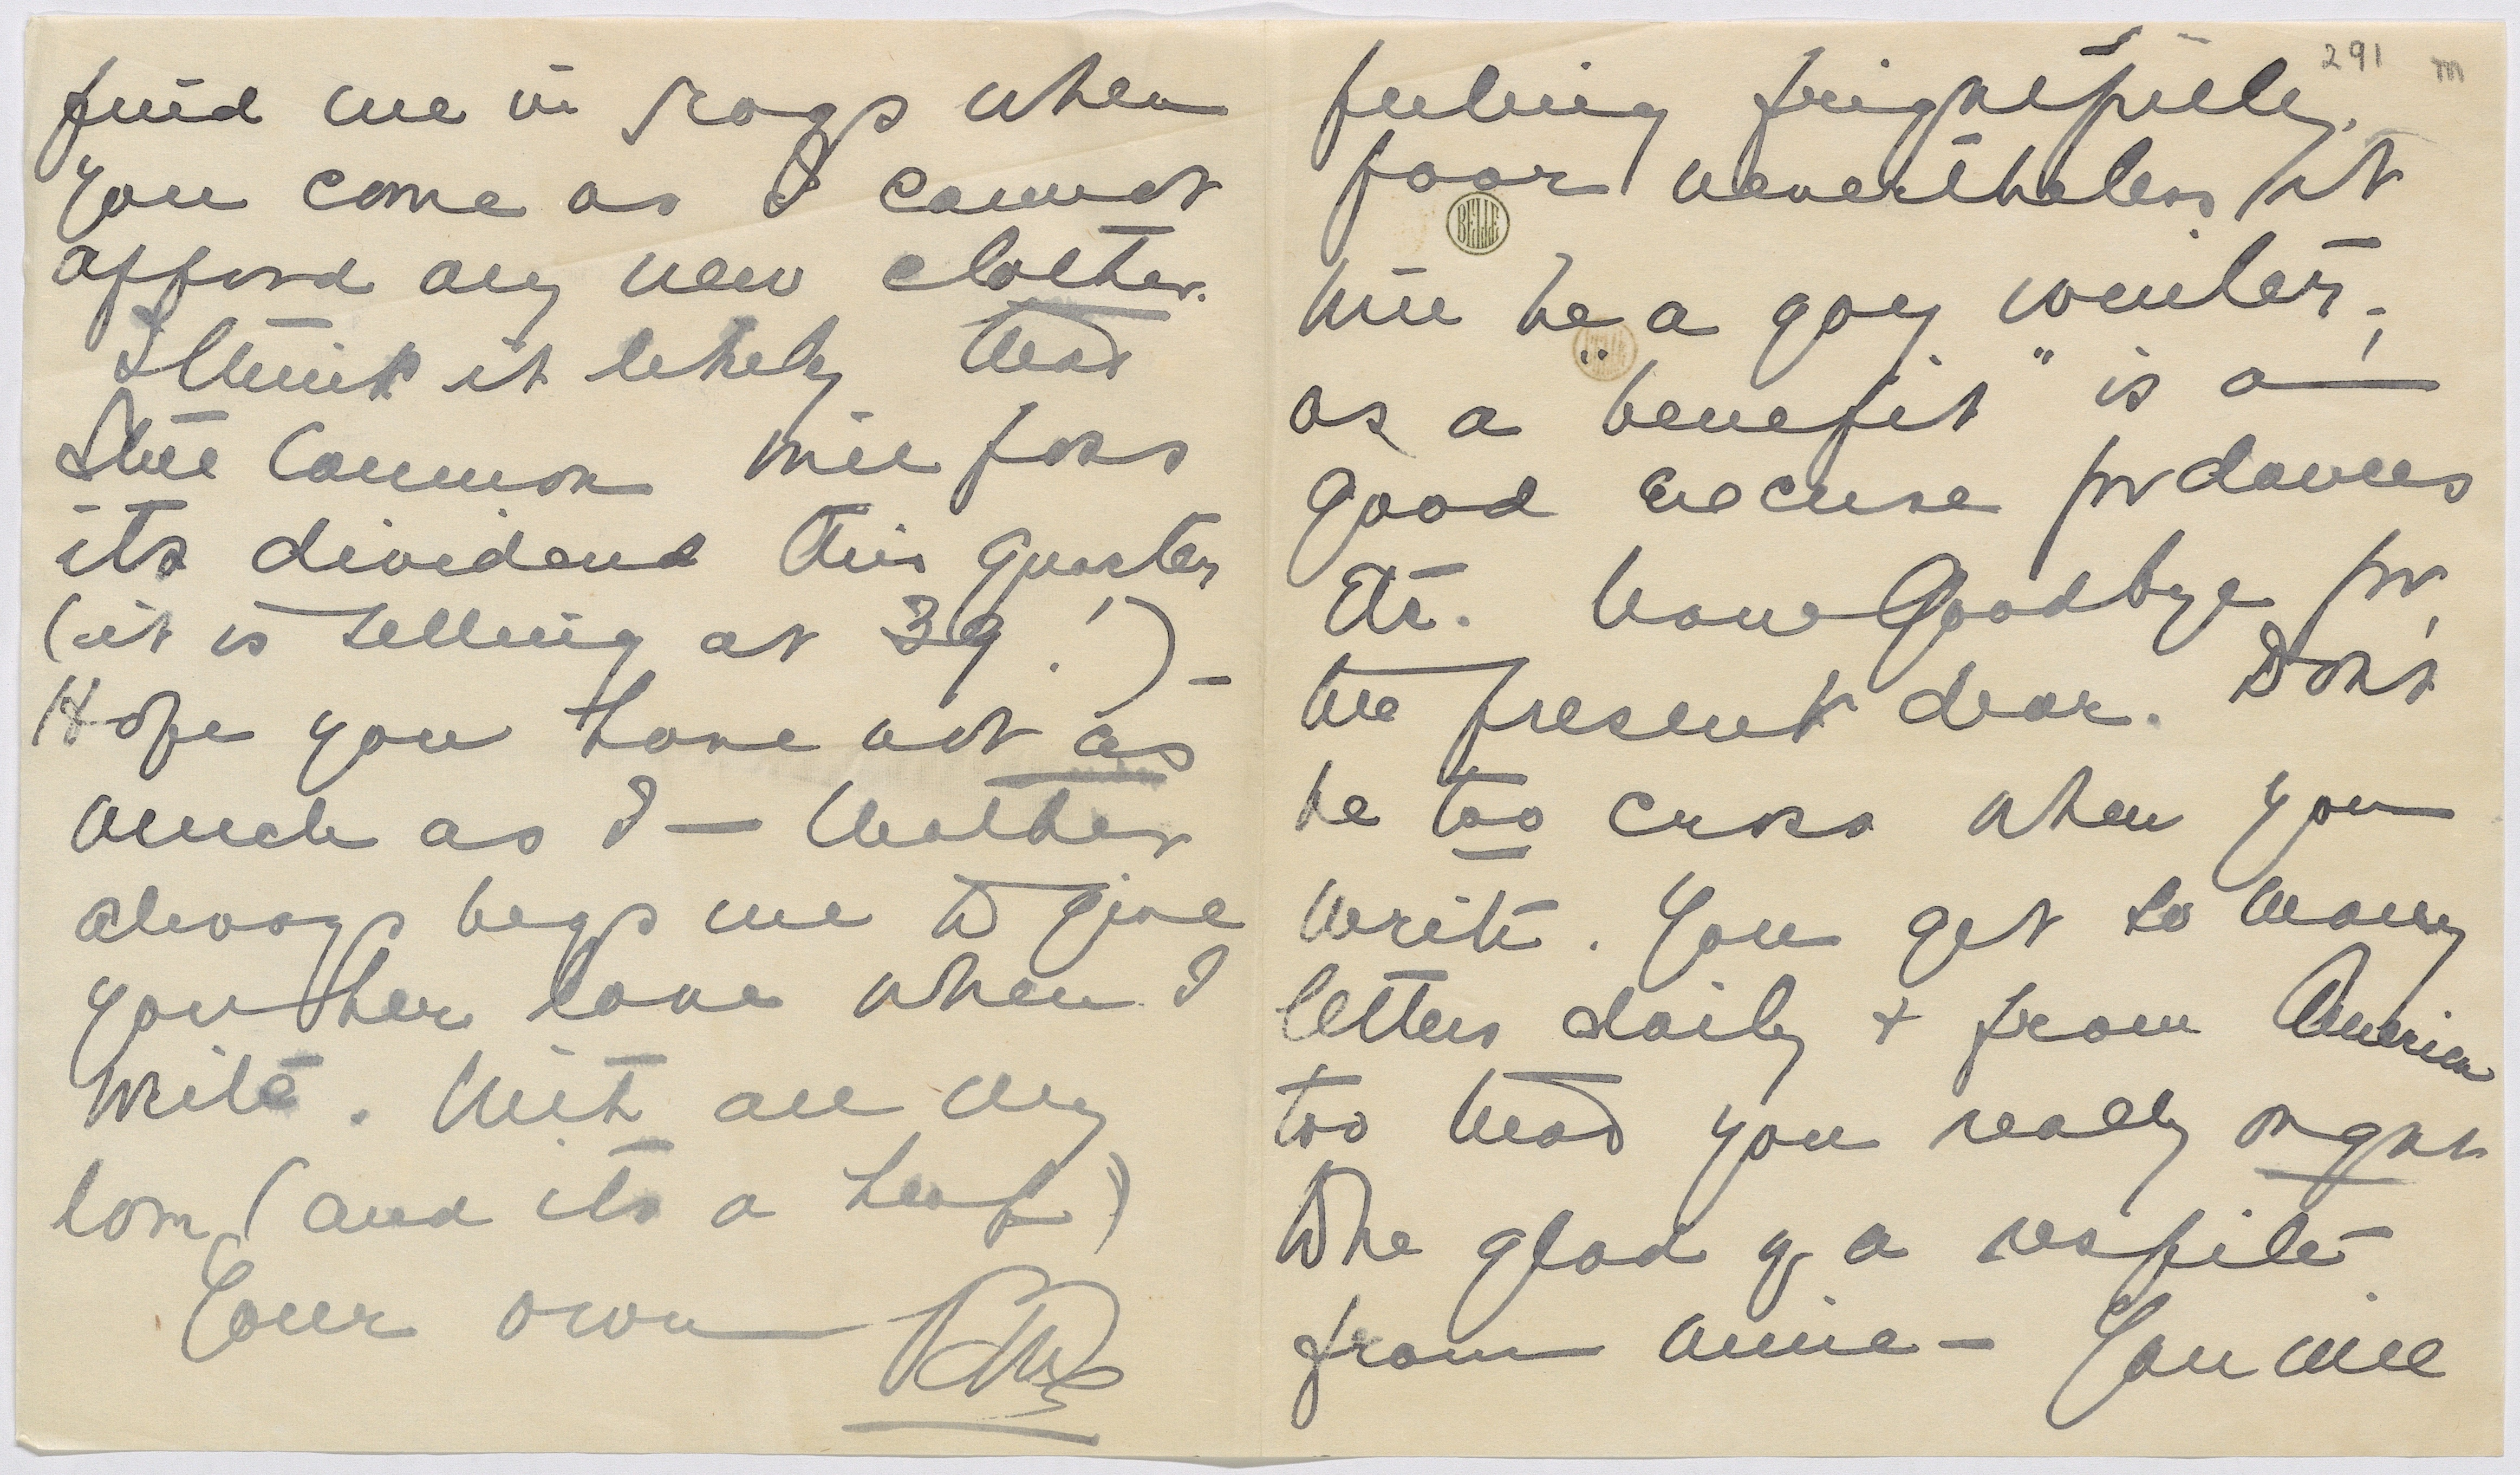feeling frightfully poor nevertheless it will be a gay winter; as a “benefit” is a good excuse for dances etc. Now goodbye for the present dear. Don’t be too cross when you write. You get so many letters daily & from Americans too that you really ought to be glad of a respite from mine – You will
find me in rags when you come as I cannot afford any new clothes.
I think it likely that Steel Common will pass its dividend this quarter (it is selling at 39!) – Hope you have not as much as I – Mother always begs me to give you her love when I write. With all my love (and its a heap) Your own Belle